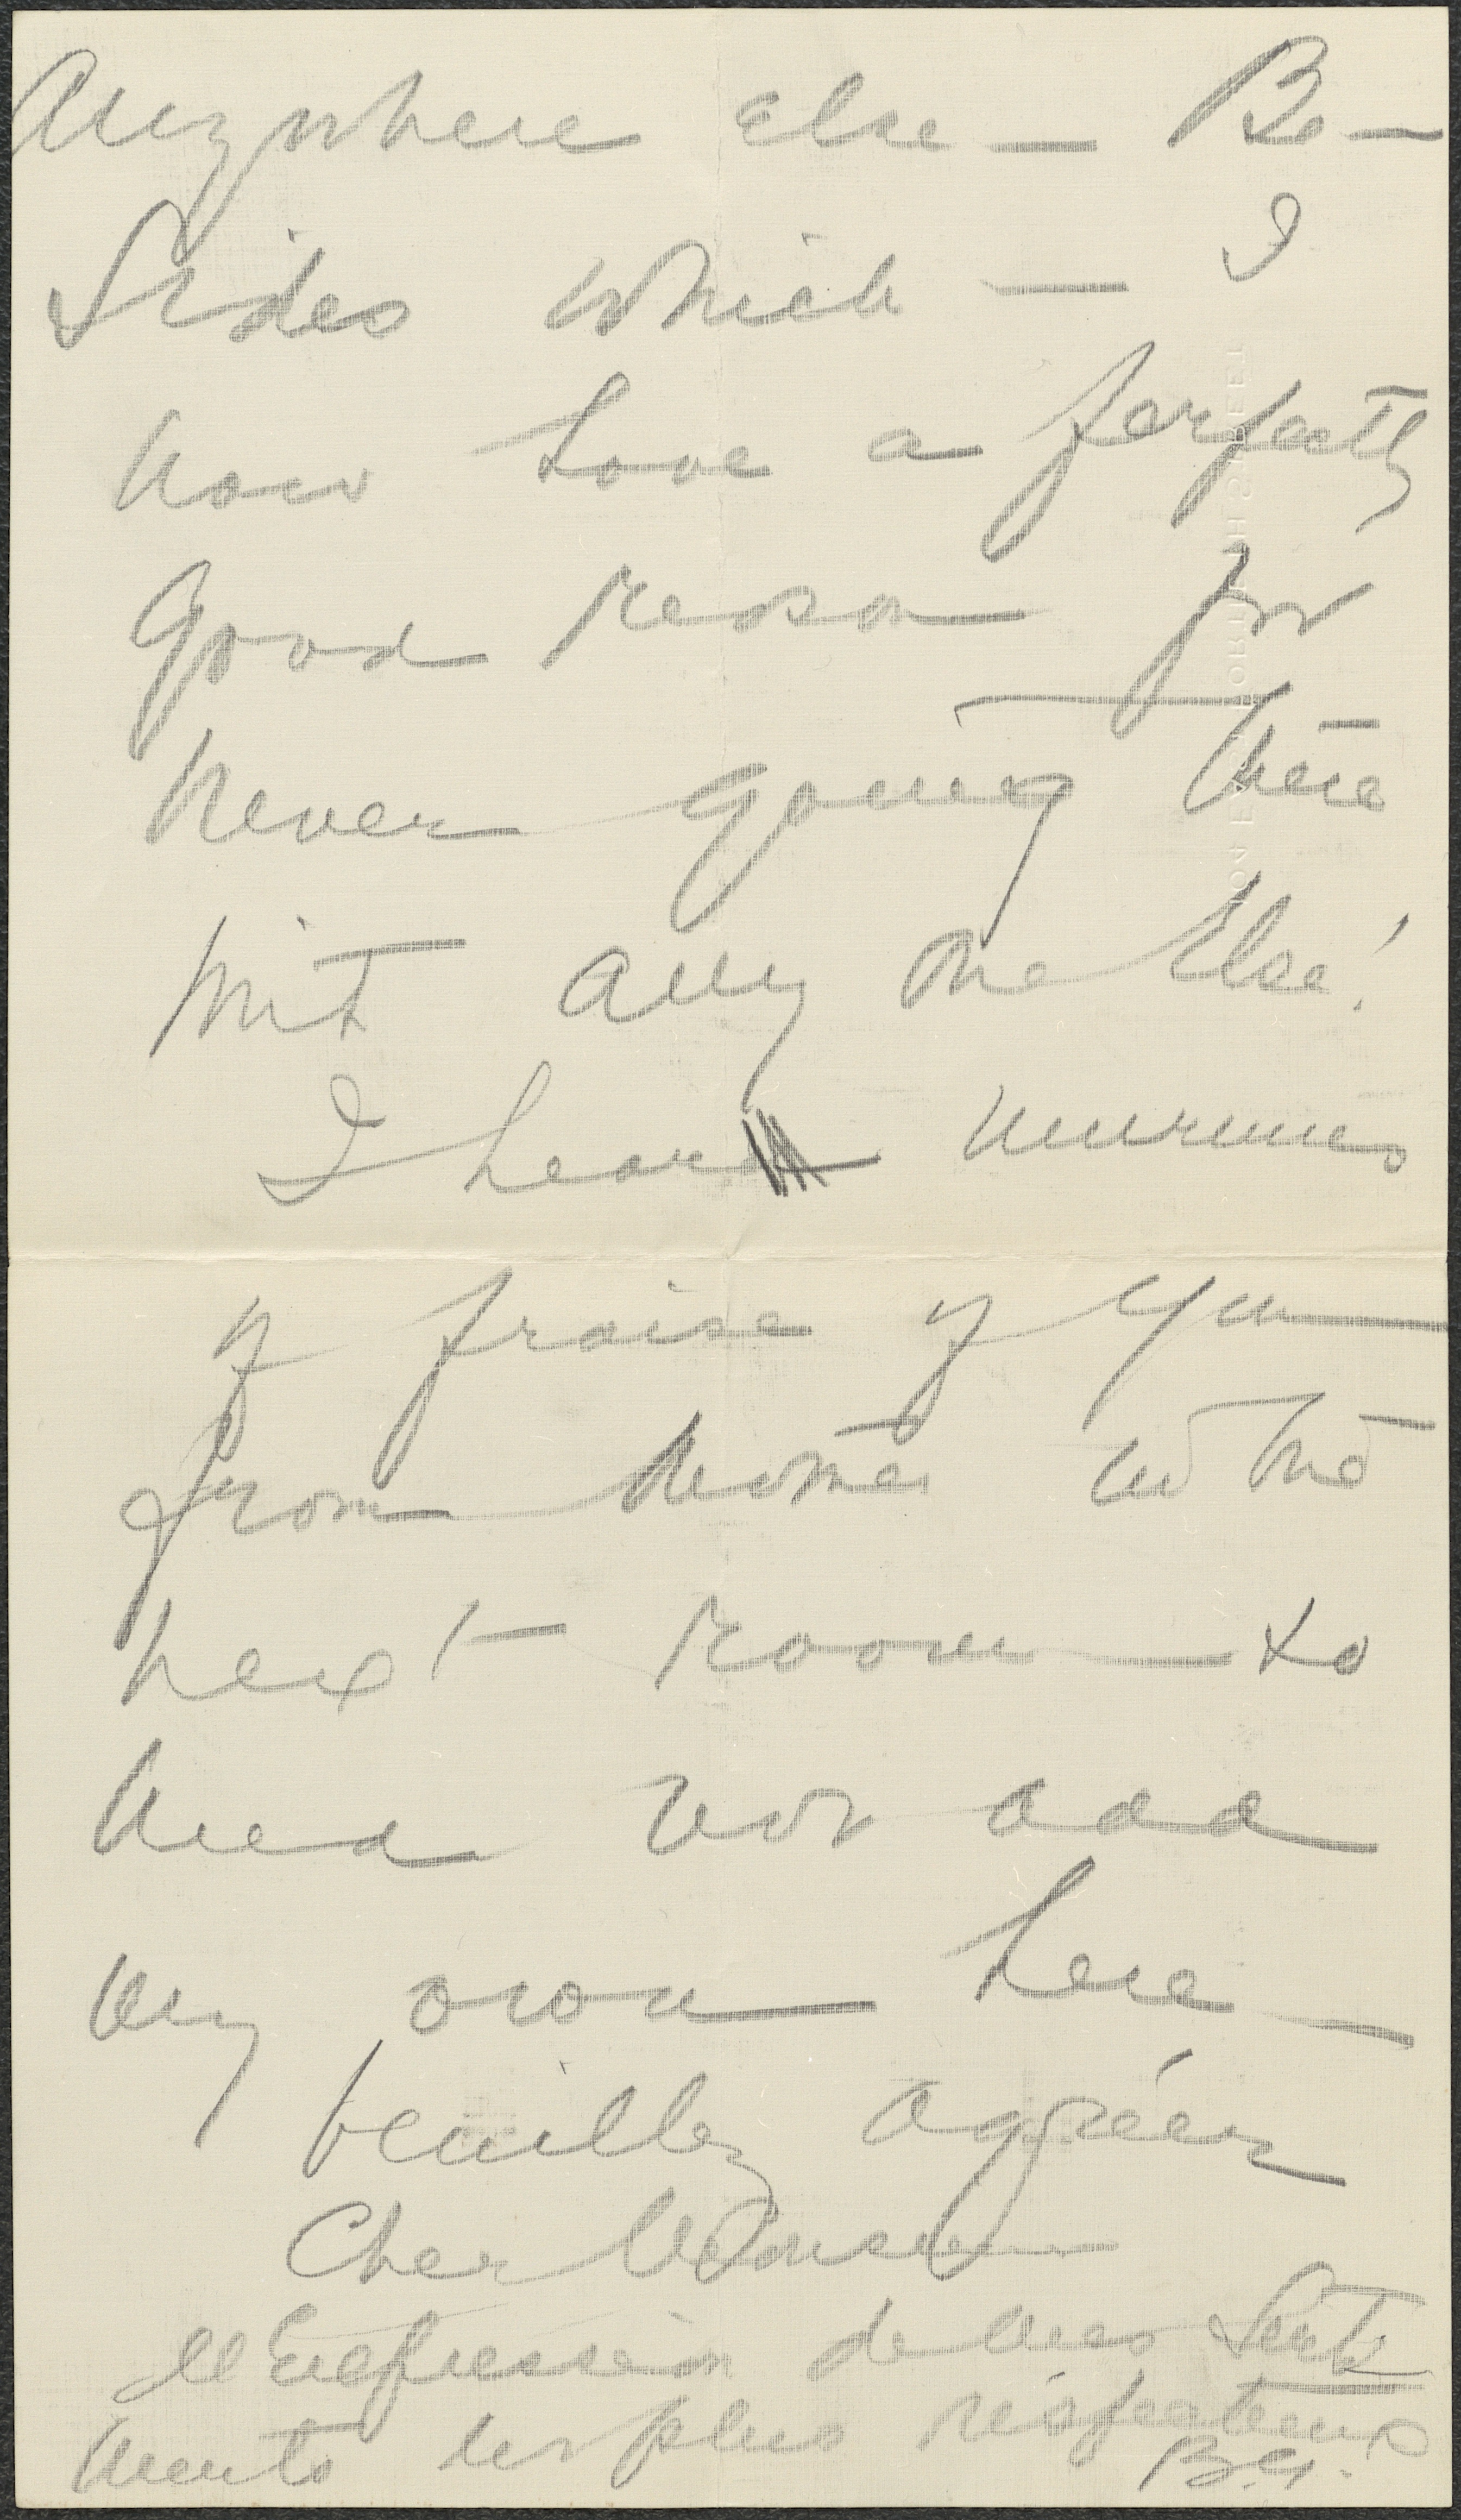anywhere else – Besides which – I now have a perfectly good reason for never going there with any one else!
I hear murmurs of praise of you from another in the next room – so need not add my own here – Veuillez agréer Cher Monsieur un expression de mes sertements les plus réspecteux.
B.G.